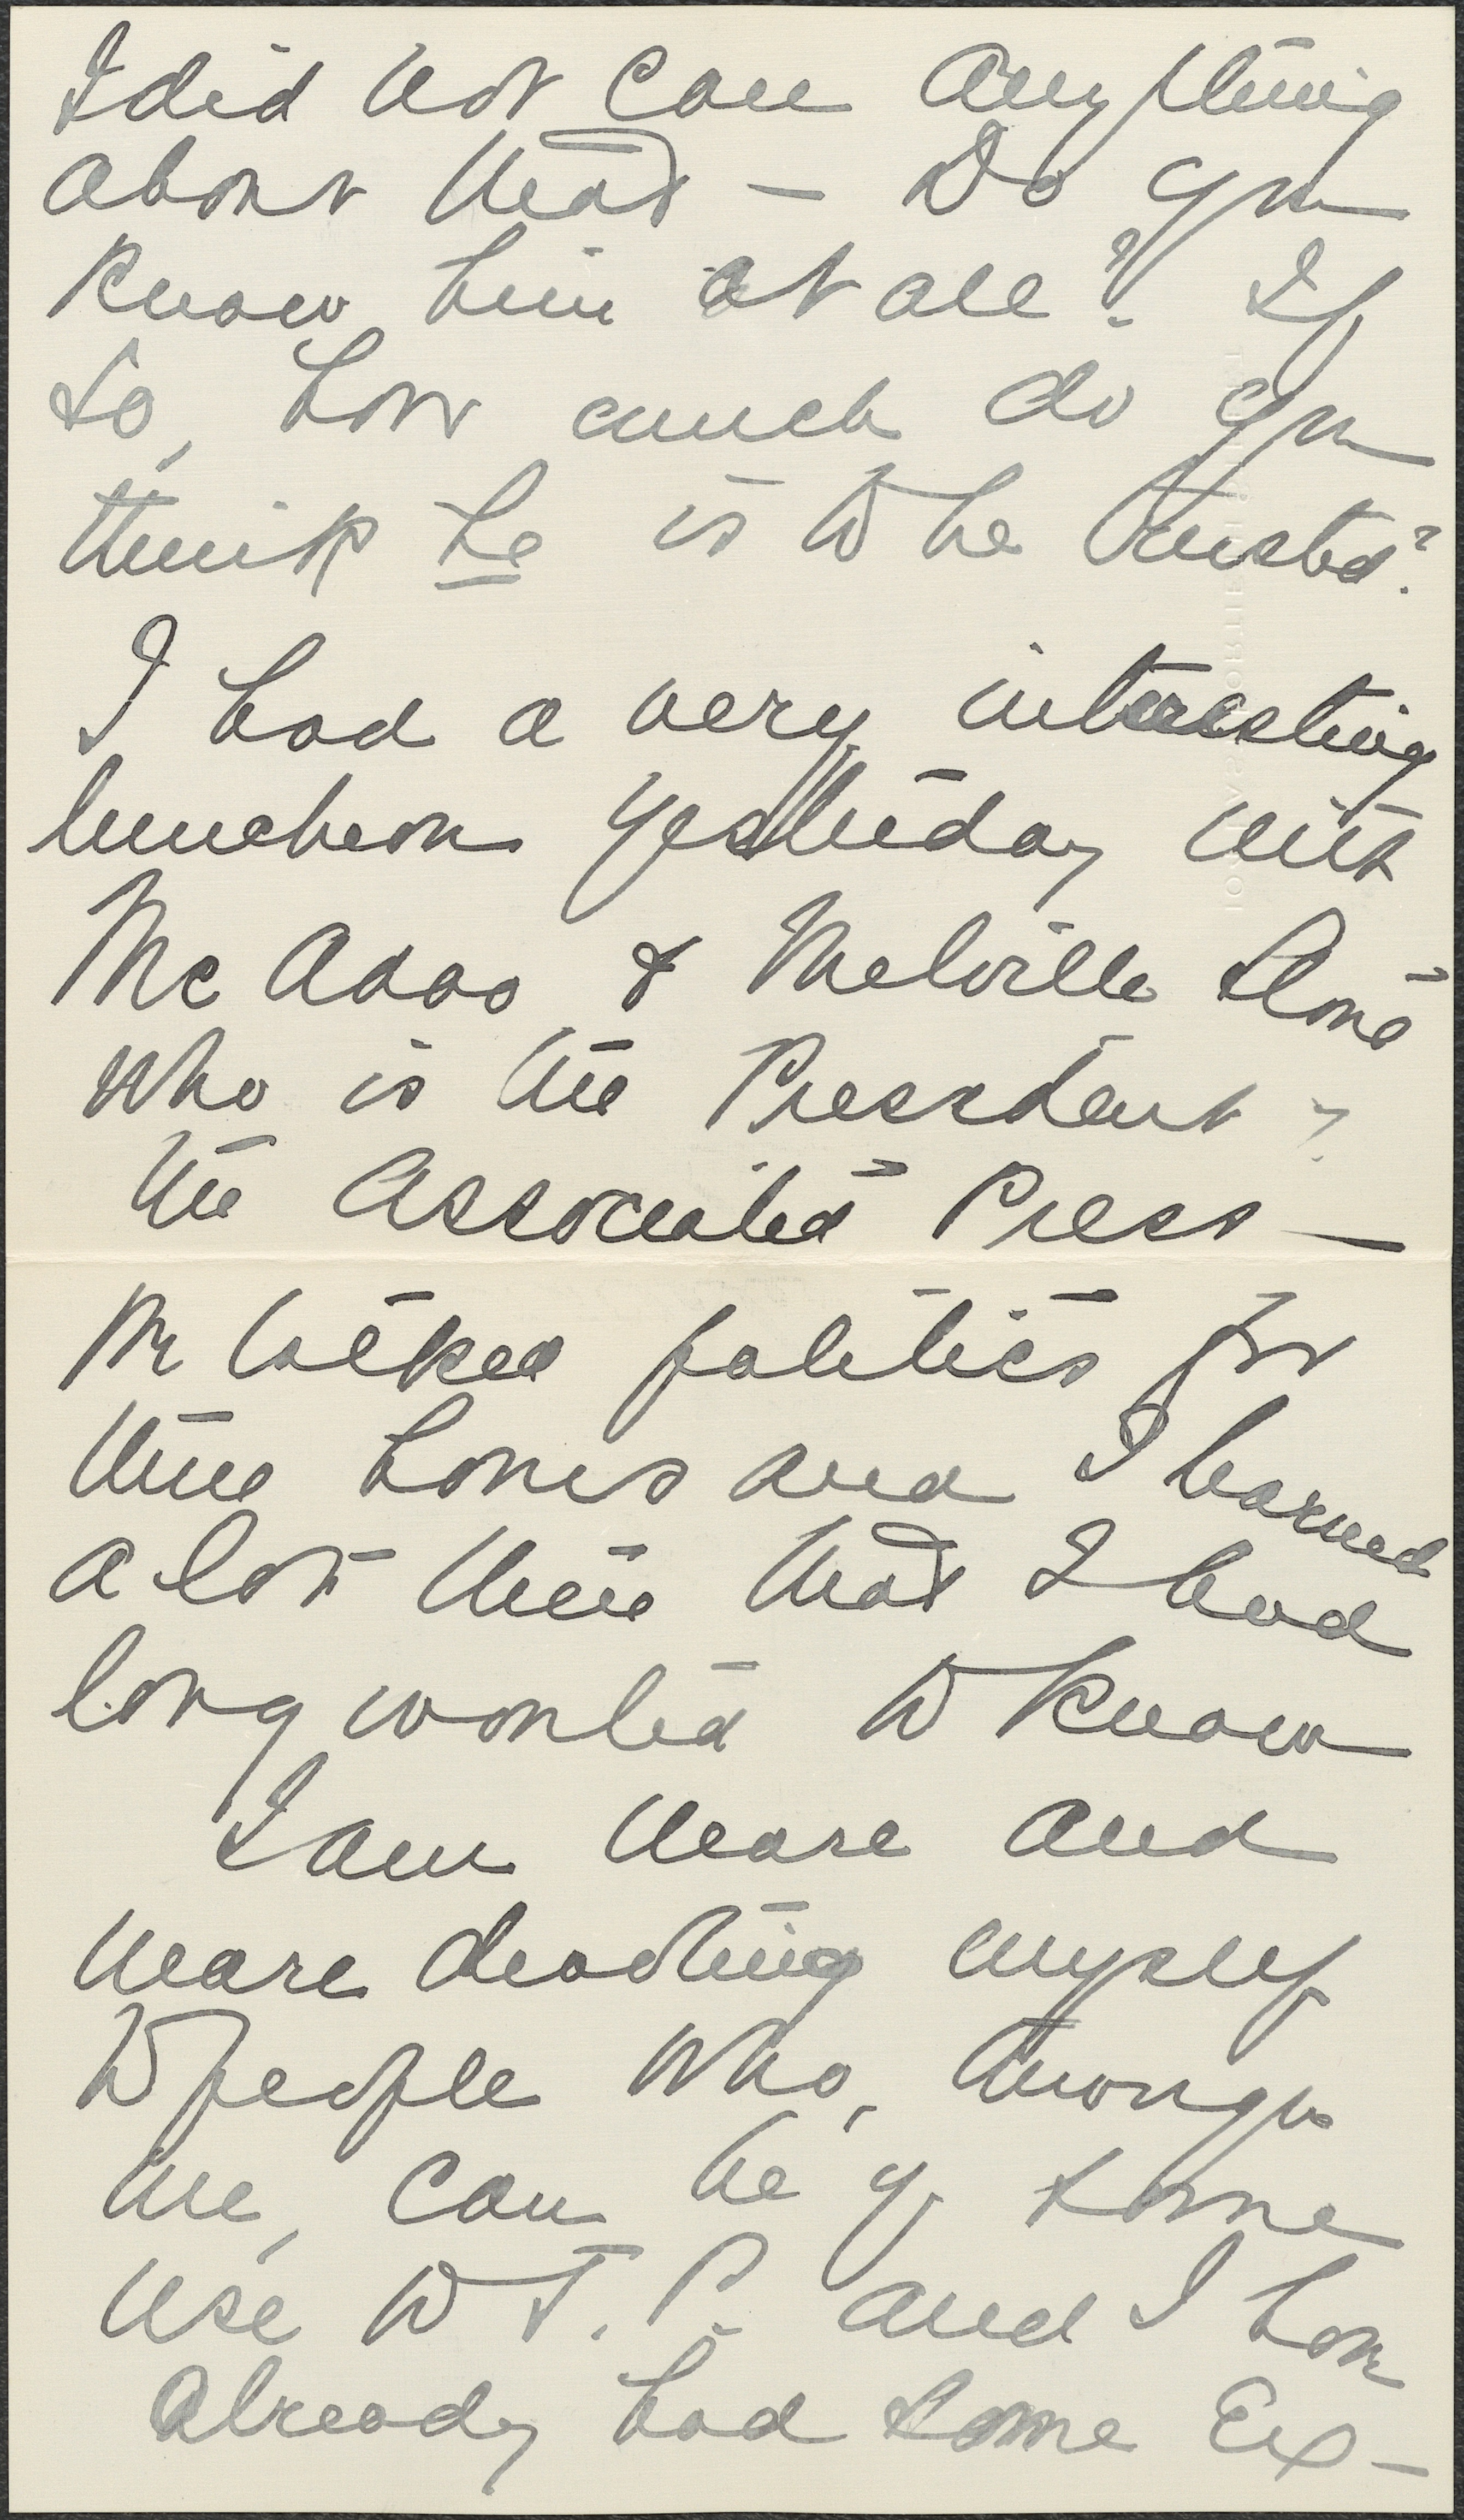I did not care anything about that – Do you know him at all? If so, how much do you think he is to be trusted? I had a very interesting luncheon yesterday with McAdoo & Melville Stone who is the President of the Associated Press – We talked politics for three hours and I learned a lot there that I had long wanted to know
I am more and more attaching [?] myself to people who, through me, can be of some use to J. P. and I have already had some extremely